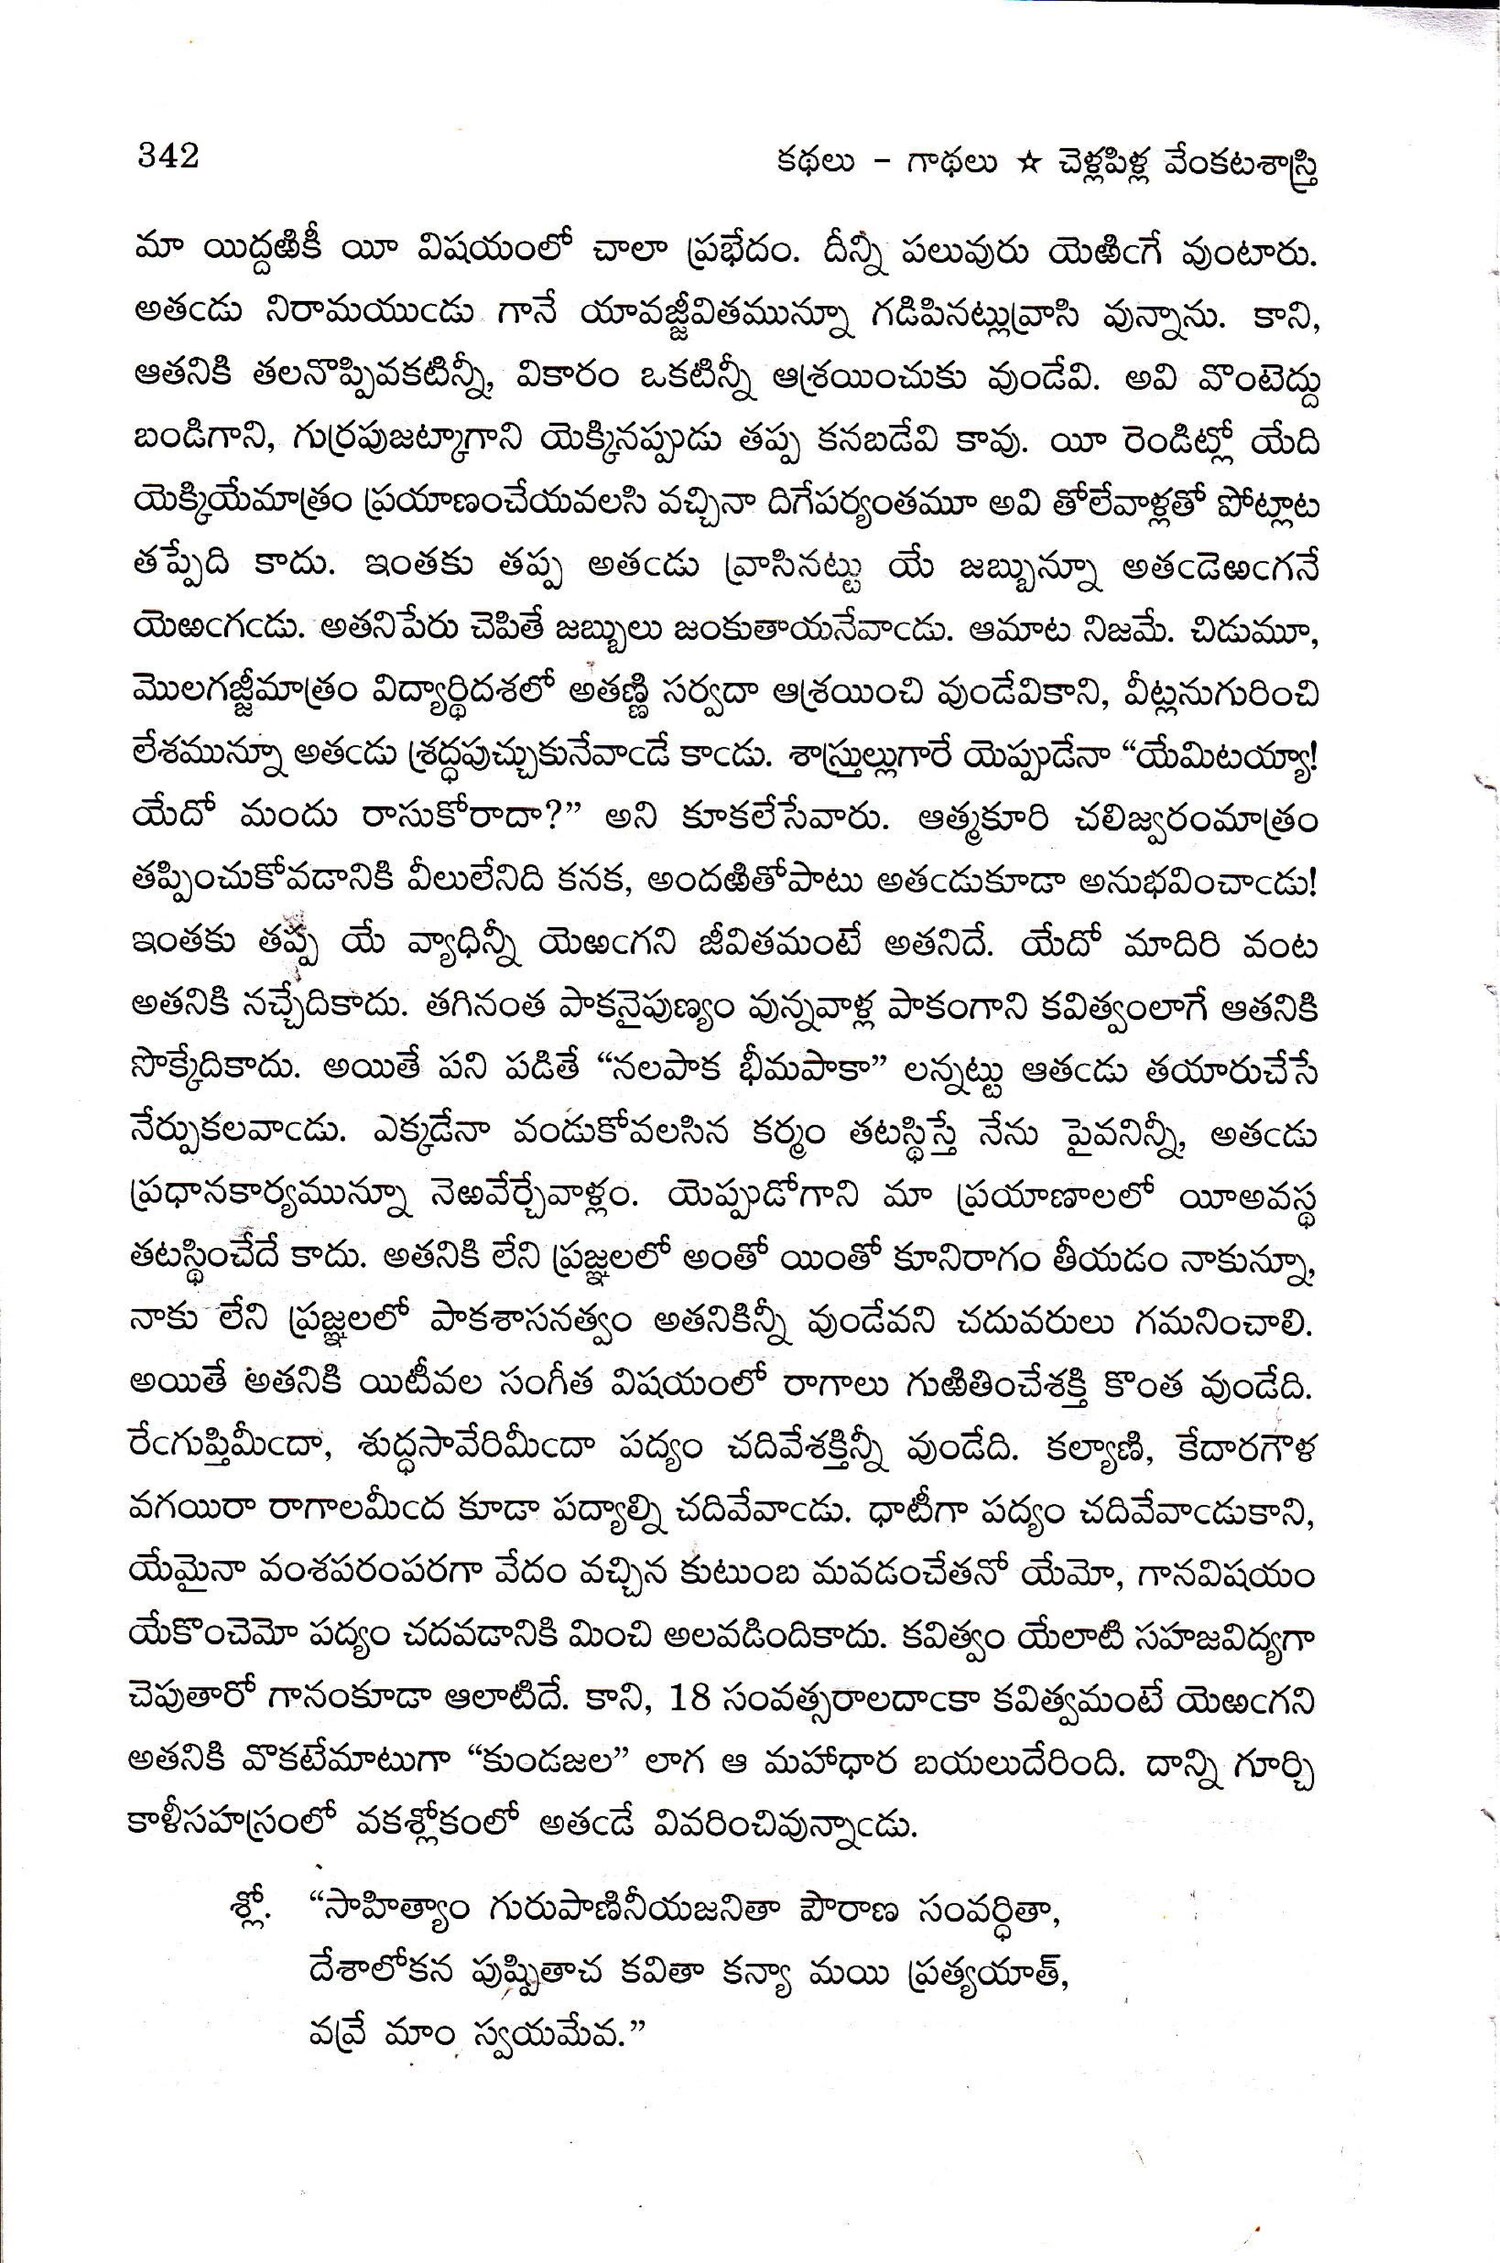మా యిద్దఱికీ యీ విషయంలో చాలా ప్రభేదం. దీన్ని పలువురు యెఱిఁగే వుంటారు. అతఁడు నిరామయుఁడు గానే యావజ్జీవితమున్నూ గడిపినట్లువ్రాసి వున్నాను. కాని, ఆతనికి తలనొప్పివకటిన్నీ వికారం ఒకటిన్నీ ఆశ్రయించుకు వుండేవి. అవి వొంటెద్దు బండిగాని, గుర్రపుజట్కాగాని యెక్కినప్పుడు తప్ప కనబడేవి కావు. యీ రెండిట్లో యేది యెక్కియేమాత్రం ప్రయాణంచేయవలసి వచ్చినా దిగేపర్యంతమూ అవి తోలేవాళ్లతో పోట్లాట తప్పేది కాదు. ఇంతకు తప్ప అతఁడు వ్రాసినట్టు యే జబ్బున్నూ అతఁడెఱఁగనే యెఱఁగఁడు. అతనిపేరు చెపితే జబ్బులు జంకుతాయనేవాఁడు. ఆమాట నిజమే. చిడుమూ, మొలగజ్జీమాత్రం విద్యార్థిదశలో అతణ్ణి సర్వదా ఆశ్రయించి వుండేవికాని, వీట్లనుగురించి లేశమున్నూ అతఁడు శ్రద్ధపుచ్చుకునేవాఁడే కాఁడు. శాస్త్రుల్లుగారే యెప్పుడేనా "యేమిటయ్యా! యేదో మందు రాసుకోరాదా?” అని కూకలేసేవారు. ఆత్మకూరి చలిజ్వరంమాత్రం తప్పించుకోవడానికి వీలులేనిది కనక, అందఱితోపాటు అతఁడుకూడా అనుభవించాఁడు! ఇంతకు తప్ప యే వ్యాధిన్నీ యెఱఁగని జీవితమంటే అతనిదే. యేదో మాదిరి వంట అతనికి నచ్చేదికాదు. తగినంత పాకనైపుణ్యం వున్నవాళ్ల పాకంగాని కవిత్వంలాగే ఆతనికి సొక్కేదికాదు. అయితే పని పడితే "నలపాక భీమపాకా" లన్నట్టు ఆతఁడు తయారుచేసే నేర్పుకలవాఁడు. ఎక్కడేనా వండుకోవలసిన కర్మం తటస్థిస్తే నేను పైవనిన్నీ, అతఁడు ప్రధానకార్యమున్నూ నెఱవేర్చేవాళ్లం. యెప్పుడోగాని మా ప్రయాణాలలో యీఅవస్థ తటస్థించేదే కాదు. అతనికి లేని ప్రజ్ఞలలో అంతో యింతో కూనిరాగం తీయడం నాకున్నూ నాకు లేని ప్రజ్ఞలలో పాకశాసనత్వం అతనికిన్నీ వుండేవని చదువరులు గమనించాలి. అయితే అతనికి యిటీవల సంగీత విషయంలో రాగాలు గుణితించేశక్తి కొంత వుండేది. రేఁగుప్తిమీఁదా, శుద్ధసావేరిమీఁదా పద్యం చదివేశక్తిన్నీ వుండేది. కల్యాణి, కేదారగౌళ వగయిరా రాగాలమీఁద కూడా పద్యాల్ని చదివేవాఁడు. ధాటీగా పద్యం చదివేవాఁడుకాని, యేమైనా వంశపరంపరగా వేదం వచ్చిన కుటుంబ మవడంచేతనో యేమో, గానవిషయం యేకొంచెమో పద్యం చదవడానికి మించి అలవడిందికాదు. కవిత్వం యేలాటి సహజవిద్యగా చెపుతారో గానంకూడా ఆలాటిదే. కాని, 18 సంవత్సరాలదాఁకా కవిత్వమంటే యొఱఁగని అతనికి వొకటేమాటుగా “కుండజల” లాగ ఆ మహాధార బయలుదేరింది. దాన్ని గూర్చి కాళీసహస్రంలో వకశ్లోకంలో అతఁడే వివరించివున్నాఁడు.

శ్లో. “సాహిత్యాం గురుపాణినీయజనితా పౌరాణ సంవర్ధితా, 
 దేశాలోకన పుష్పితాచ కవితా కన్యా మయి ప్రత్యయాత్, 
 వవ్రే మాం స్వయమేవ."